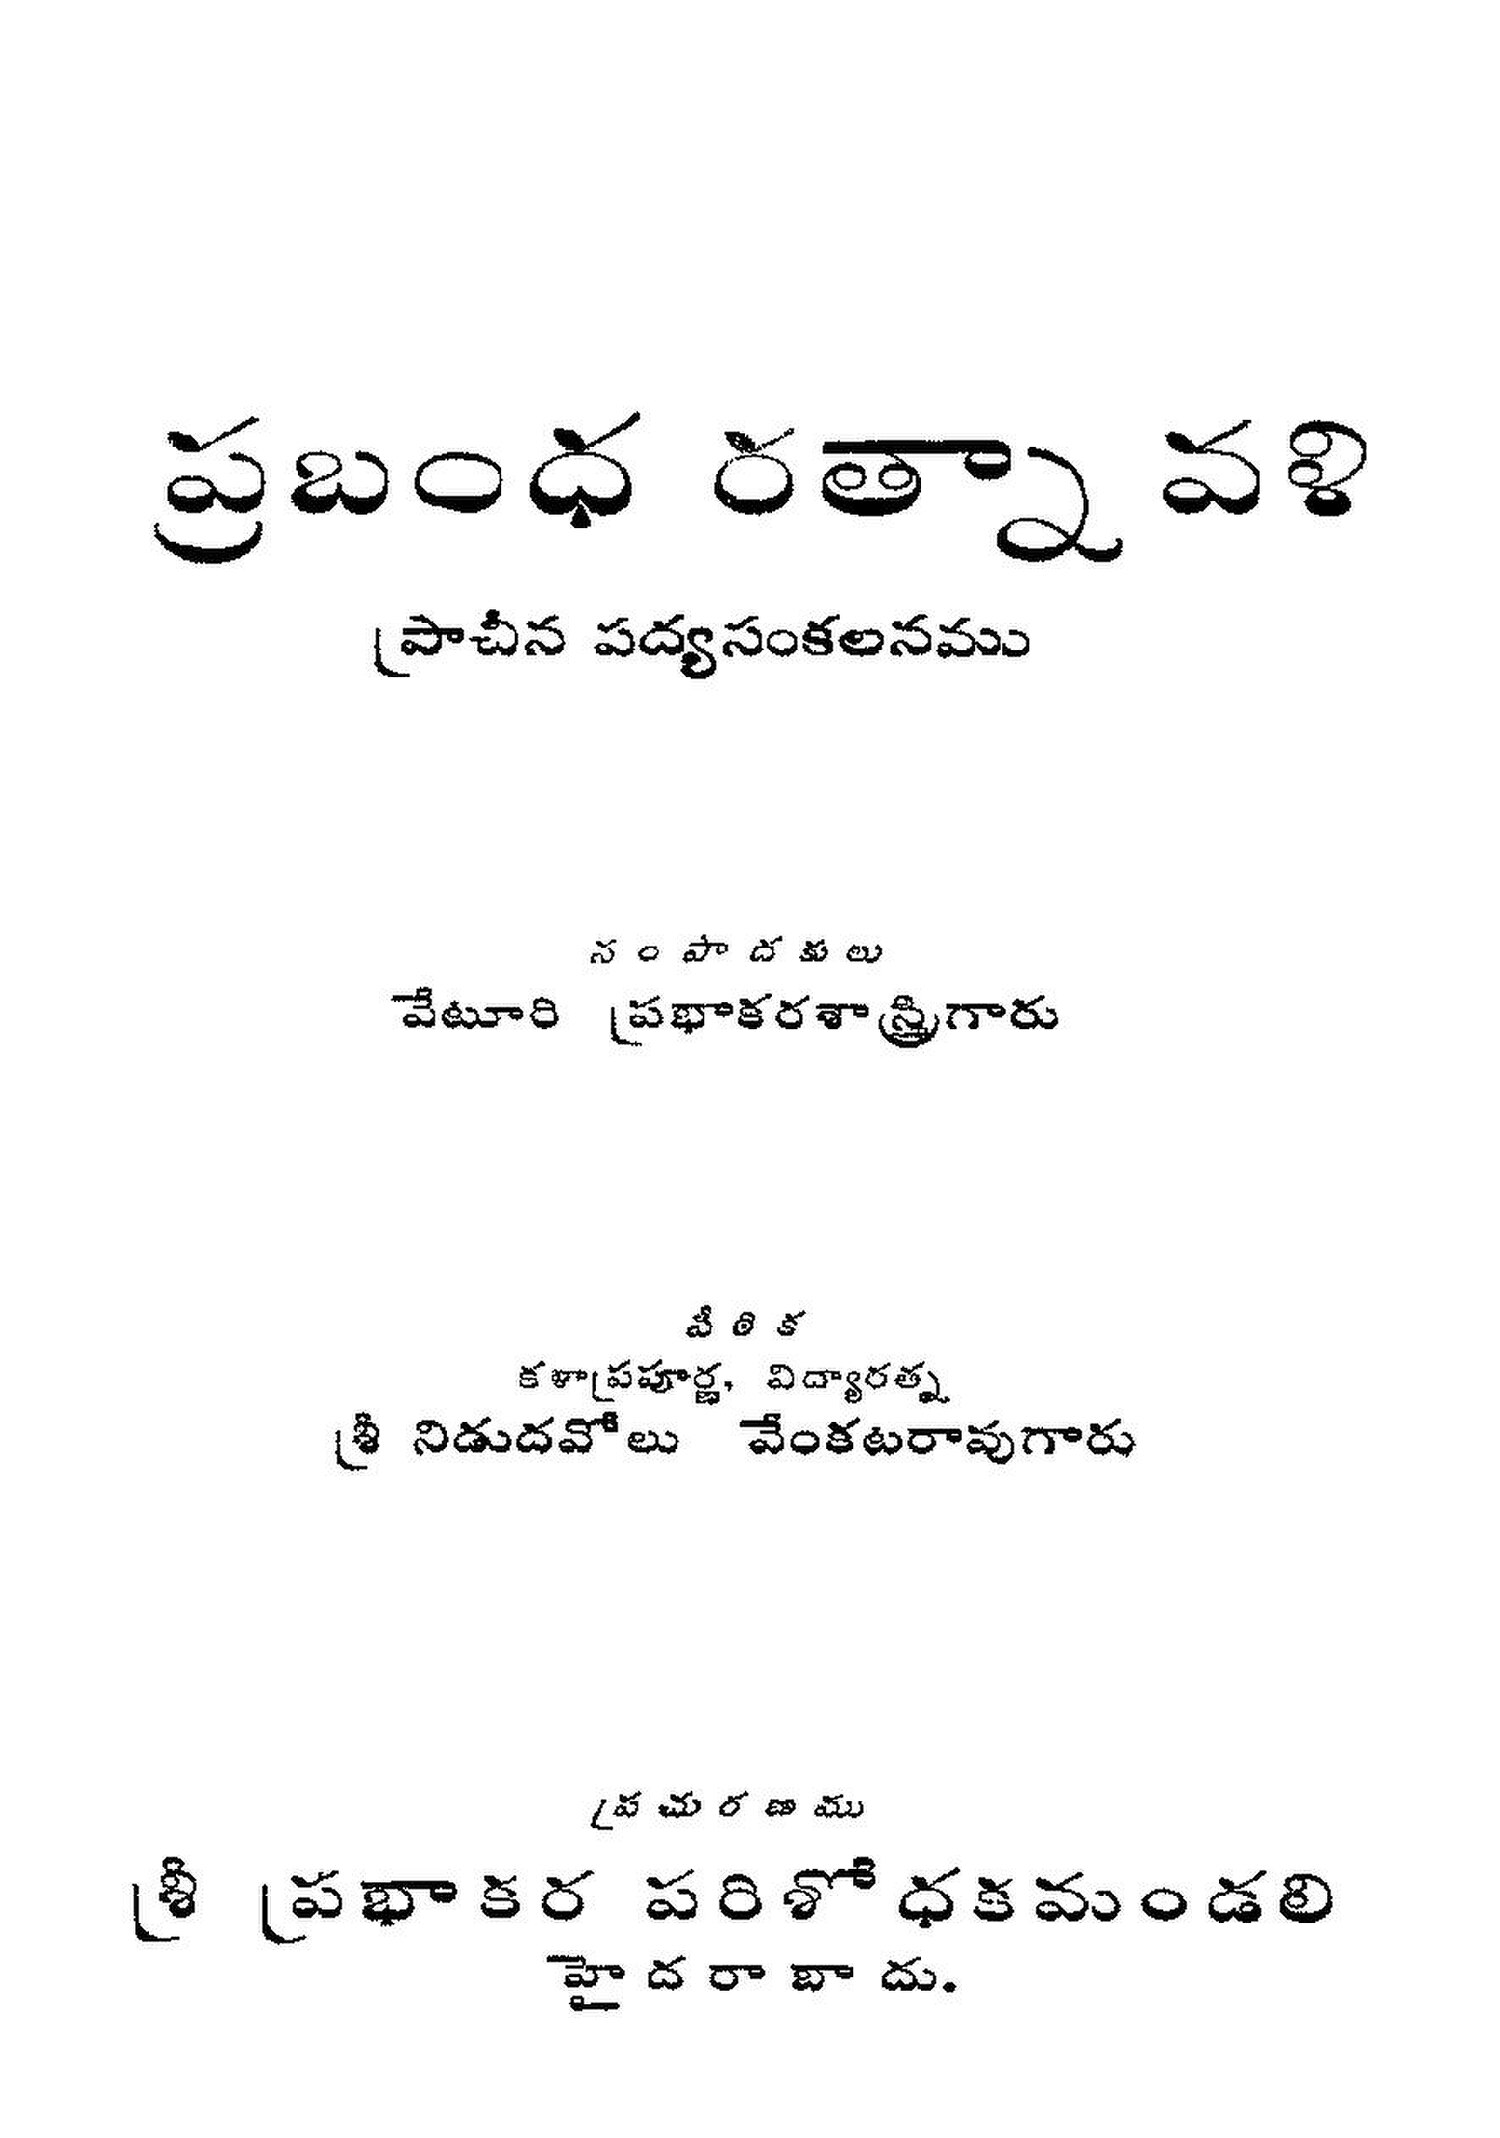ప్రబంధ రత్నావళి
ప్రాచీన పద్యసంకలనము

సంపాదకులు
వేటూరి ప్రభాకరశాస్త్రిగారు

పీఠిక
కళాప్రపూర్ణ, విద్యారత్న
శ్రీ నిడుదవోలు వేంకటరావుగారు

ప్రచురణము
శ్రీ ప్రభాకర పరిశోధకమండలి
హైదరాబాదు.